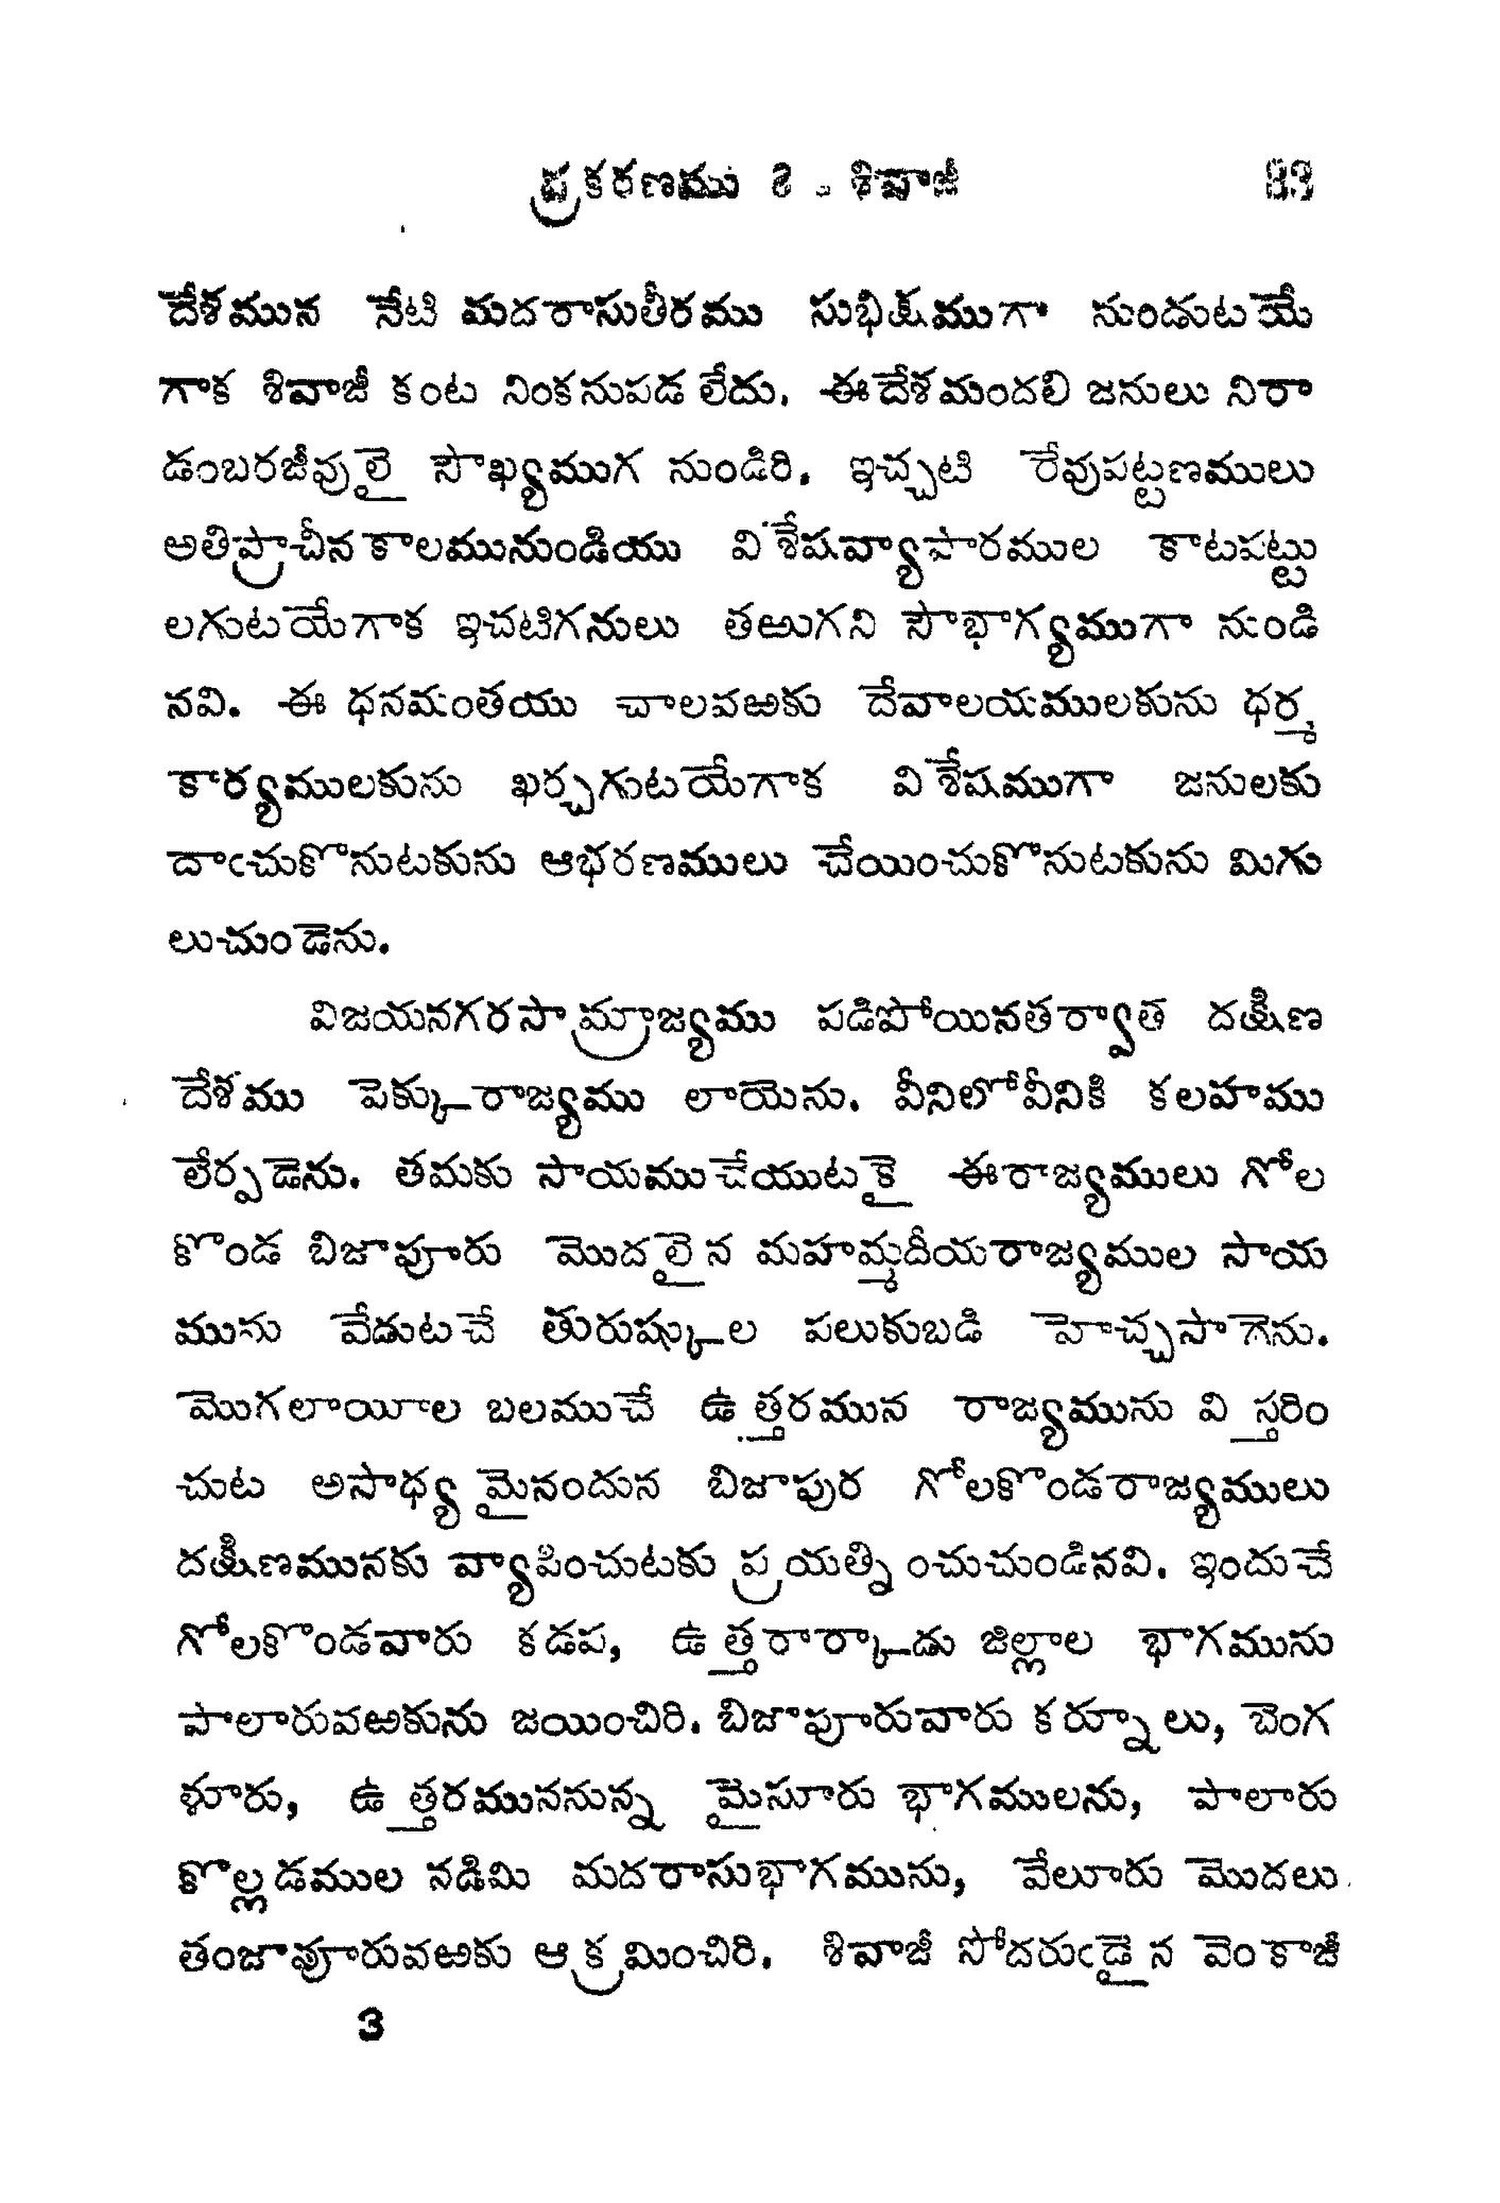దేశమున నేటి మదరాసుతీరము సుభిక్షముగా నుండుటయే గాక శివాజీ కంట నింకనుపడలేదు. ఈదేశమందలి జనులు నిరాడంబరజీవులై సౌఖ్యముగ నుండిరి. ఇచ్చటి రేవుపట్టణములు అతిప్రాచీనకాలమునుండియు విశేషవ్యాపారముల కాటపట్టు లగుటయేగాక ఇచటిగనులు తఱుగని సౌభాగ్యముగా నుండినవి. ఈ ధనమంతయు చాలవఱకు దేవాలయములకును ధర్మకార్యములకును ఖర్చగుటయేగాక విశేషముగా జనులకు దాఁచుకొనుటకును ఆభరణములు చేయించుకొనుటకును మిగులుచుండెను.

విజయనగరసామ్రాజ్యము పడిపోయినతర్వాత దక్షిణదేశము పెక్కురాజ్యము లాయెను. వీనిలోవీనికి కలహము లేర్పడెను. తమకు సాయముచేయుటకై ఈరాజ్యములు గోలకొండ బిజాపూరు మొదలైన మహమ్మదీయరాజ్యముల సాయమును వేడుటచే తురుష్కుల పలుకుబడి హెచ్చసాగెను. మొగలాయీల బలముచే ఉత్తరమున రాజ్యమును విస్తరించుట అసాధ్యమైనందున బిజాపుర గోలకొండరాజ్యములు దక్షిణమునకు వ్యాపించుటకు ప్రయత్నించుచుండినవి. ఇందుచే గోలకొండవారు కడప, ఉత్తరార్కాడు జిల్లాల భాగమును పాలారువఱకును జయించిరి. బిజాపూరువారు కర్నూలు, బెంగళూరు, ఉత్తరముననున్న మైసూరు భాగములను, పాలారు కొల్లడముల నడిమి మదరాసుభాగమును, వేలూరు మొదలు తంజావూరువఱకు ఆక్రమించిరి. శివాజీ సోదరుఁడైన వెంకాజీ